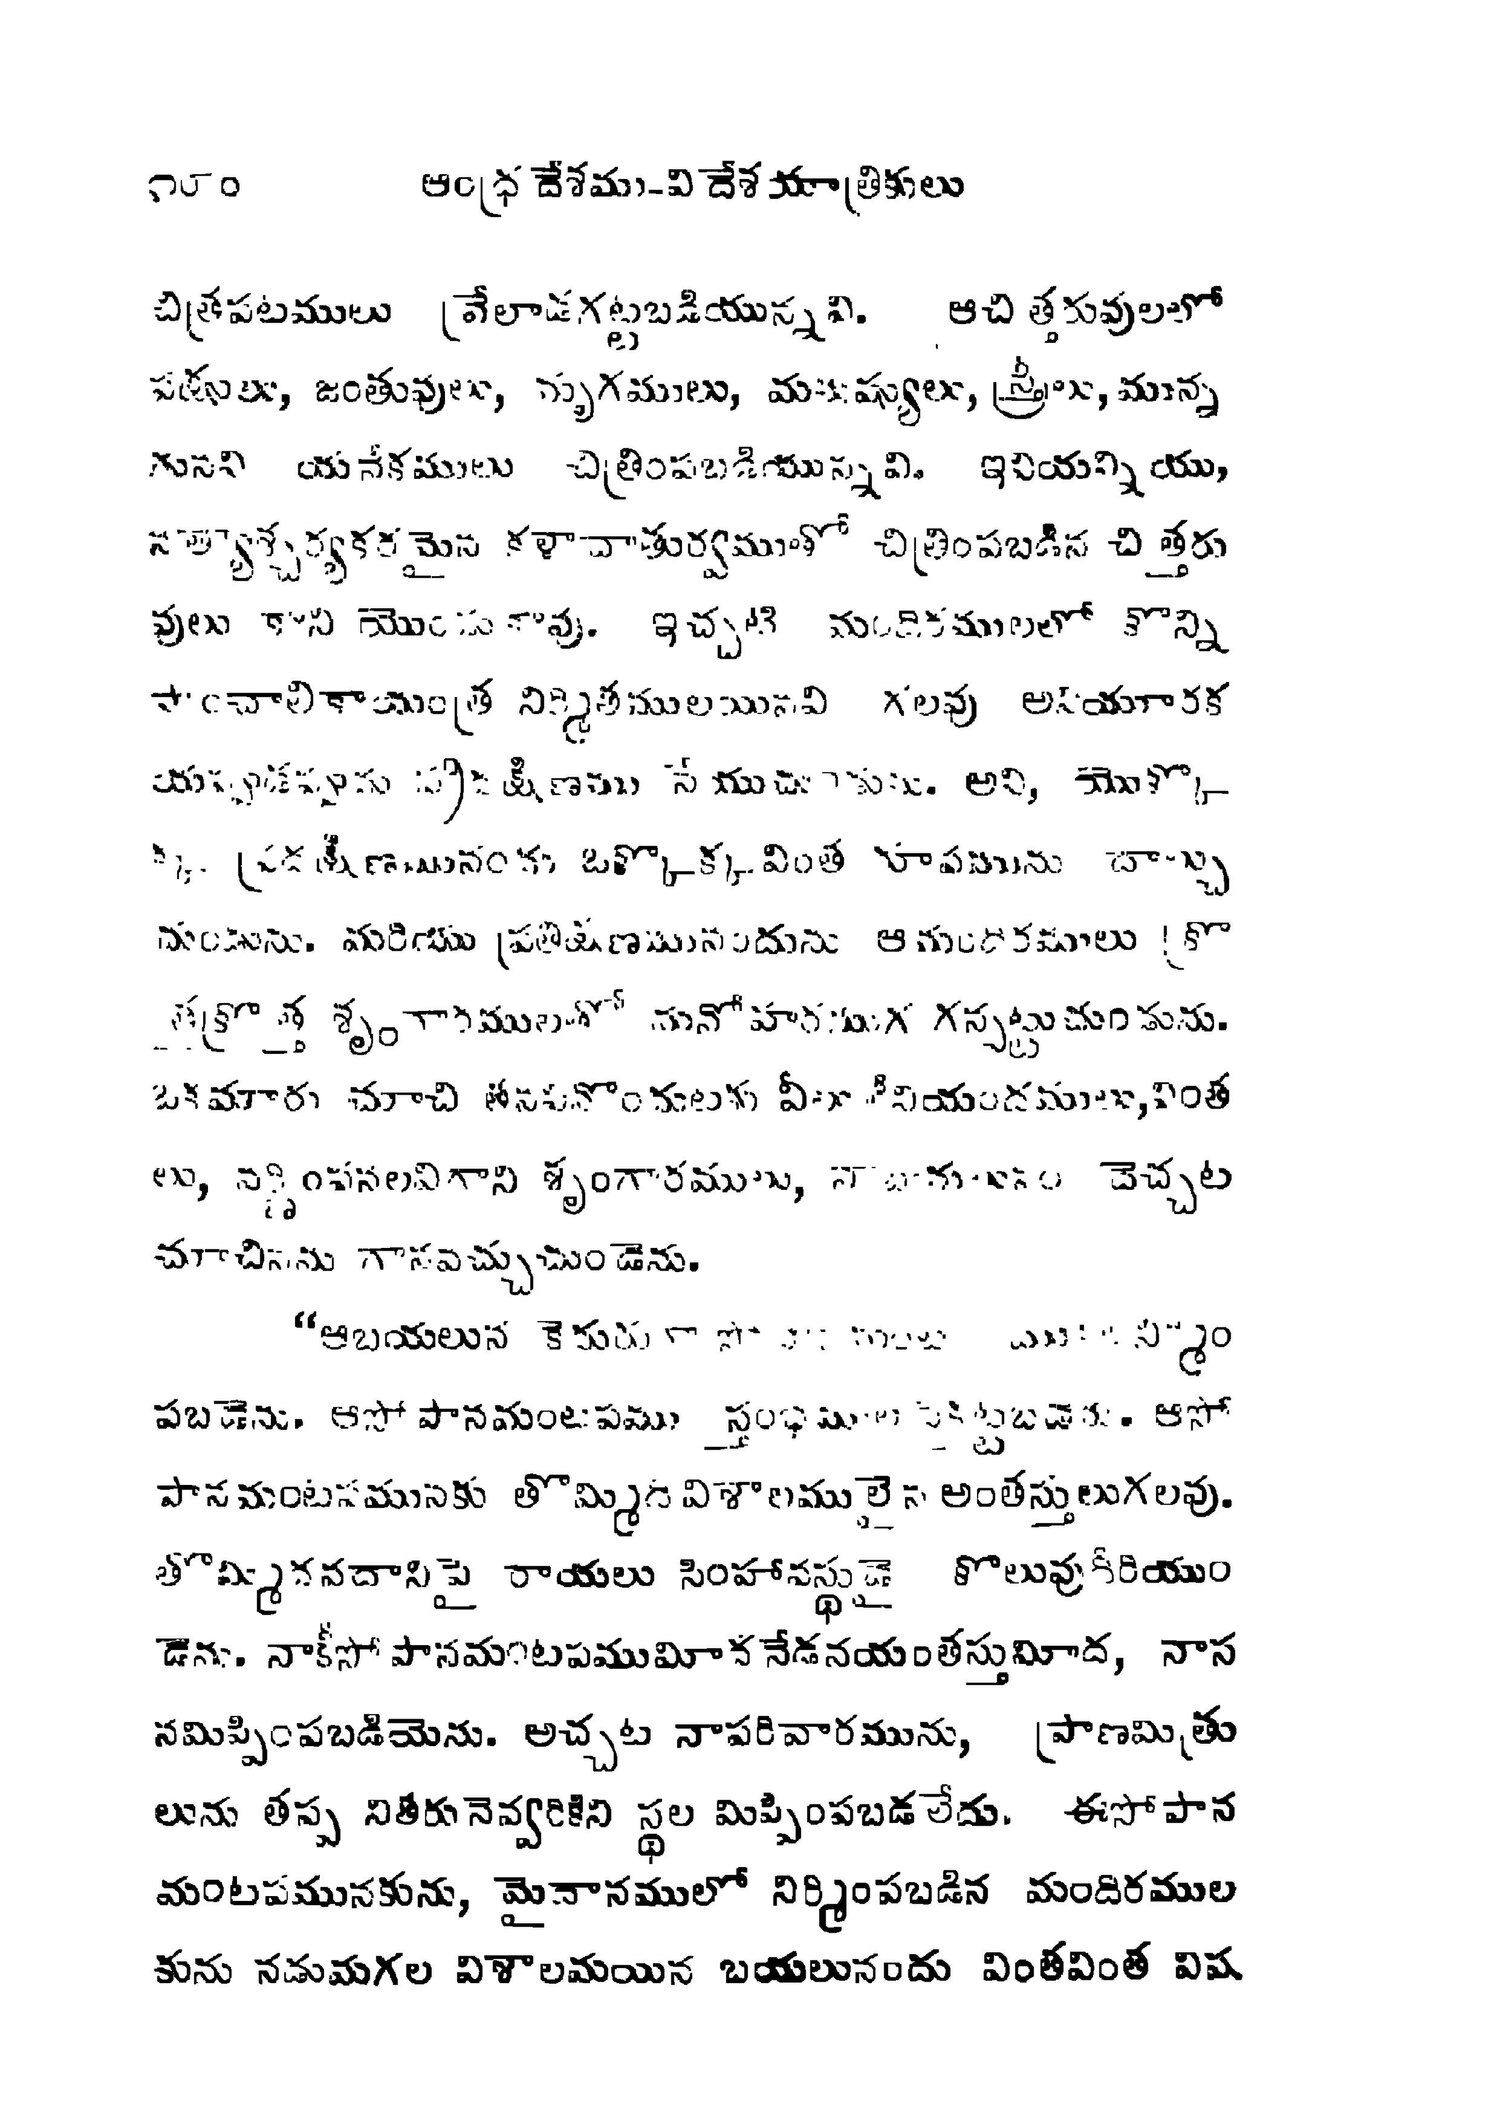చిత్రపటములు వ్రేలాడగట్టబడి యున్నవి. ఆచిత్తరువులలో పక్షులు, జంతువులు, మృగములు, మనుష్యులు, స్త్రీలు, మున్నగునవి యనేకములు చిత్రింపబడియున్నవి. ఇవియన్నియు, నత్యాశ్చర్యకర మైన కళాచాతుర్వముతో చిత్రింపబడిన చిత్తరువులు కాని యొండుకావు. ఇచ్చటి మందిరములలో కొన్ని పాంచాలికాయంత్ర నిర్మితములయినవి గలవు. అనియూరక యప్పుడప్పుడు ప్రదక్షిణము సేయుచుండును. అవి, యొక్కొక్క, ప్రదక్షిణమునందు ఒక్కొక్కవింత రూపమును దాల్చుచుండును. మరియు ప్రతిక్షణమునందును ఆమందిరములు క్రొత్తక్రొత్త శృంగారములతో మనోహరముగ గన్పట్టుచుండును. ఒకమారు చూచి తనవినొందుటకు వీలులేనియందములు, వింతలు, వర్ణింపనలవిగాని శృంగారములు, నాబయలునం దెచ్చట చూచినను గానవచ్చుచుండెను.

"అబయలున కెదురుగా సోపానమంటప మొకటి నిర్మింపబడెను. ఆసోపాన మంటపము స్తంభములపై కట్టబడెను. ఆసోపాన మంటపమునకు తొమ్మిది విశాలములైన అంతస్తులుగలవు. తొమ్మిదవదానిపై రాయలు సింహావస్థుడై కొలువుదీరి యుండెను. నాకీ సోపానమంటపము మీద నేడవయంతస్తు మీద, నాసనమిప్పింపబడి యుండెను. అచ్చట నాపరివారమును, ప్రాణమిత్రులును తప్ప నితరునెవ్వరికిని స్థల మిప్పింప బడలేదు. ఈసోపానమంటపమునకును, మైదానములో నిర్మింపబడిన మందిరములకును నడుమగల విశాలమయిన బయలు నందు వింతవింత విష